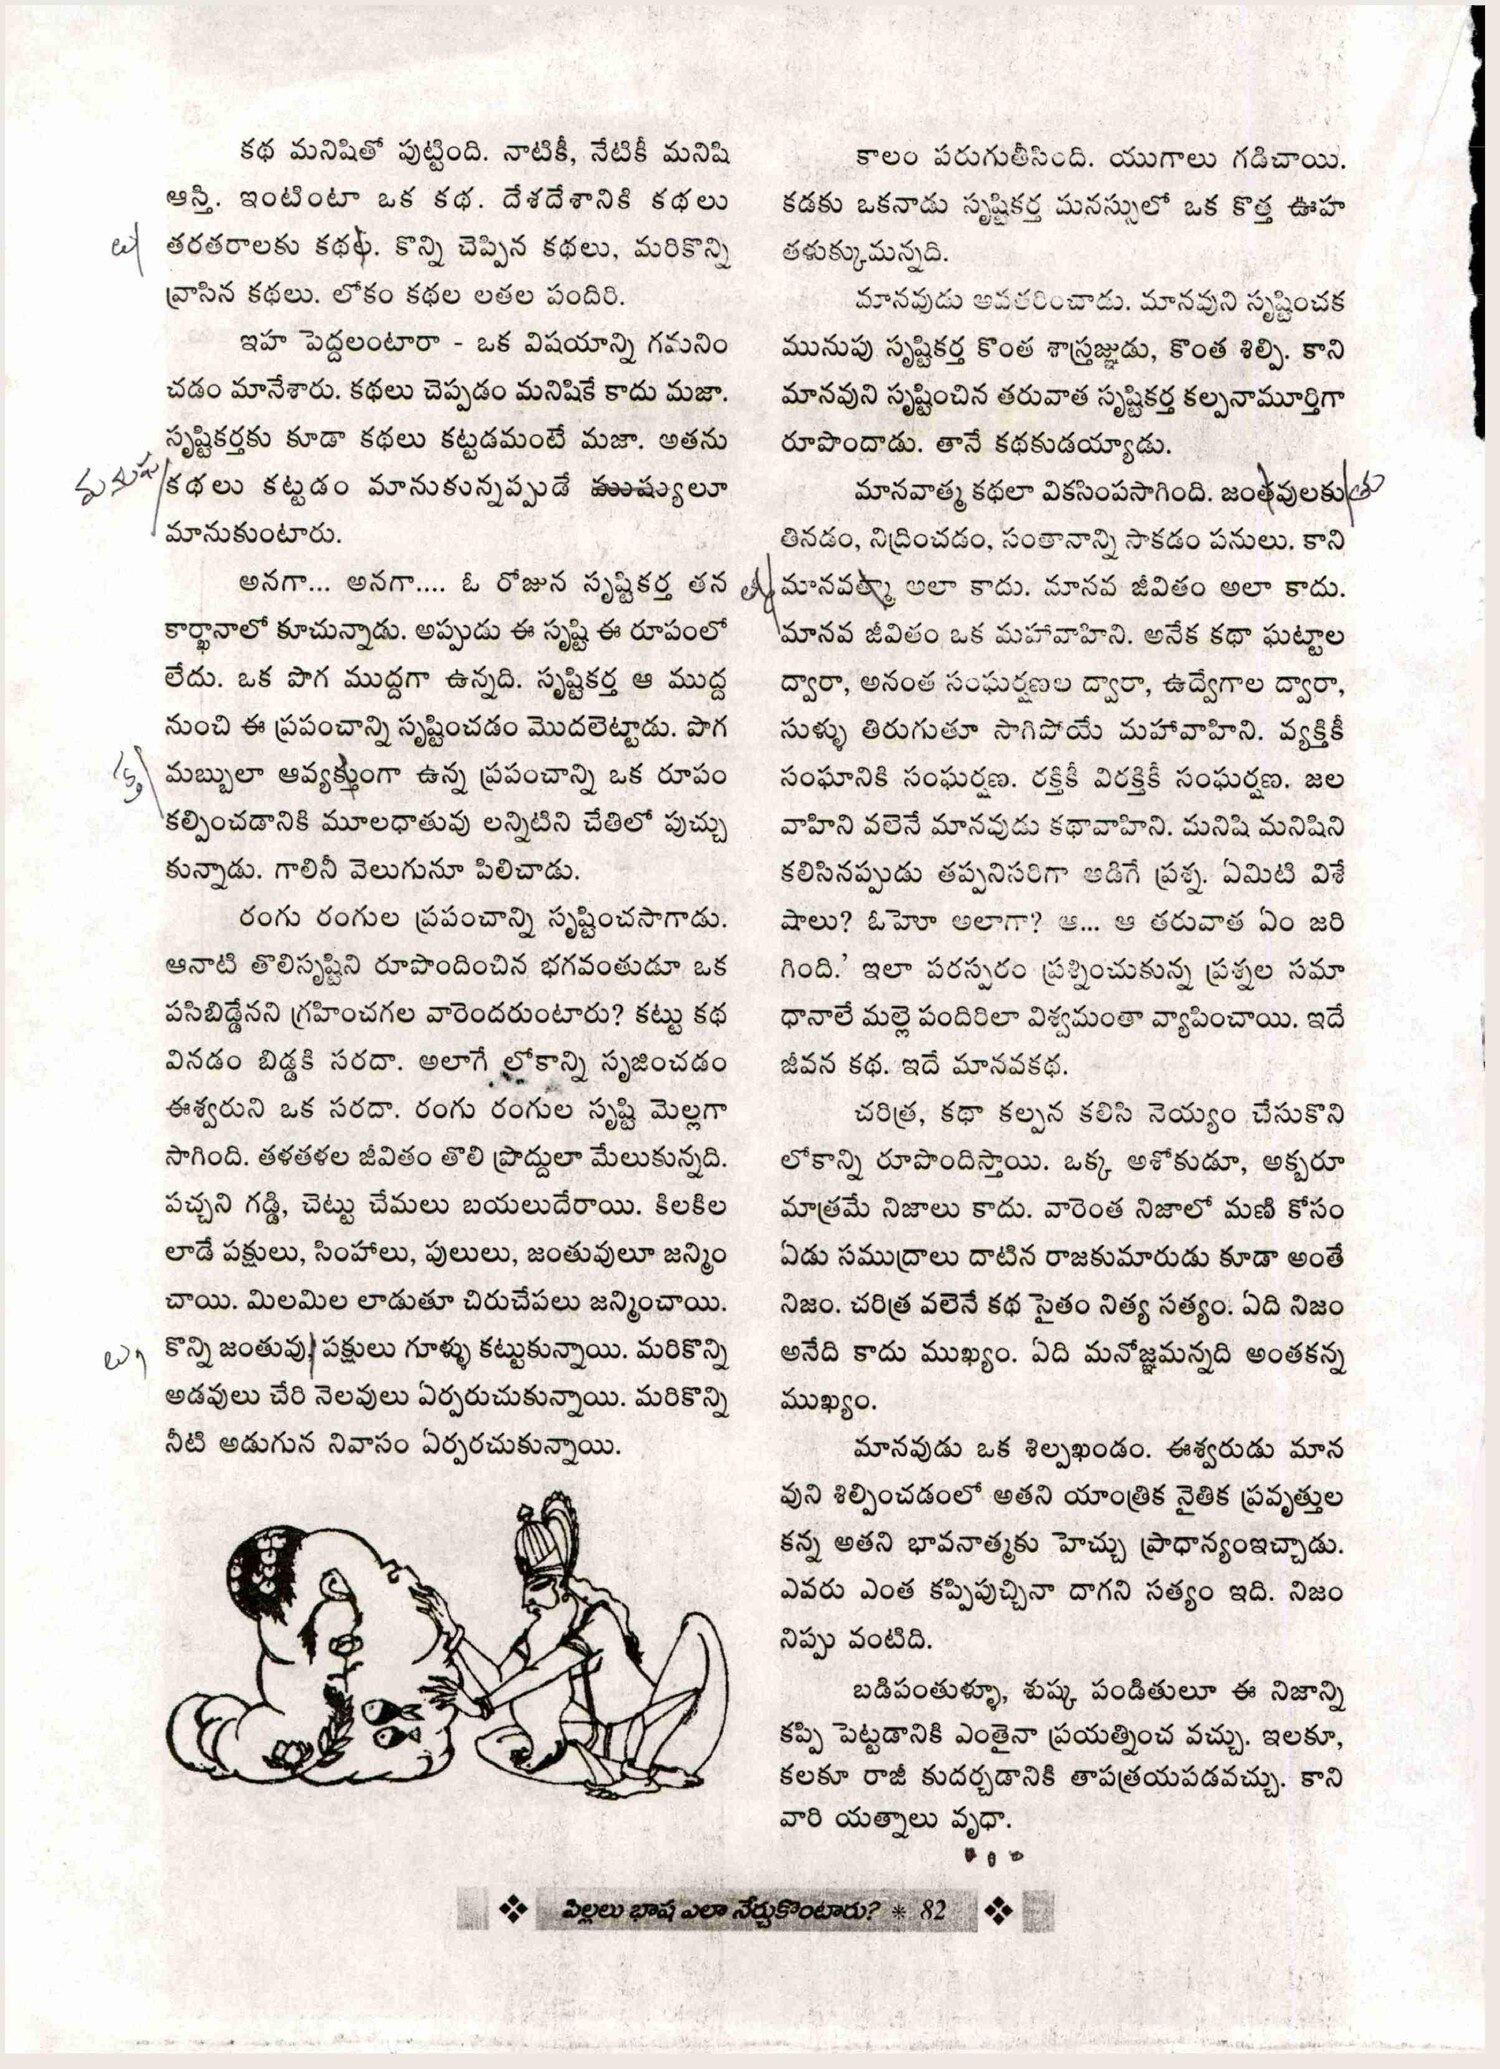కథ మనిషితో పుట్టింది. నాటికీ, నేటికీ మనిషి ఆస్తి. ఇంటింటా ఒక కథ. దేశదేశానికి కథలు తరతరాలకు కథలు. కొన్ని చెప్పిన కథలు, మరికొన్ని వ్రాసిన కథలు. లోకం కథల లతల పందిరి.

ఇహ పెద్దలంటారా - ఒక విషయాన్ని గమనించడం మానేశారు. కథలు చెప్పడం మనిషికే కాదు మజా. సృష్టికర్తకు కూడా కథలు కట్టడమంటే మజా. అతను కథలు కట్టడం మానుకున్నప్పుడే మనుషులూ మానుకుంటారు.

అనగా.... అనగా.... ఓ రోజున సృష్టికర్త తన కార్ఖానాలో కూచున్నాడు. అప్పుడు ఈ సృష్టి ఈ రూపంలో లేదు. ఒక పొగ ముద్దగా ఉన్నది. సృష్టికర్త ఆ ముద్దనుంచి ఈ ప్రపంచాన్ని సృష్టించడం మొదలెట్టాడు. పొగమబ్బులా ఆవ్యక్తంగా ఉన్న ప్రపంచాన్ని ఒక రూపం కల్పించడానికి మూలధాతువు లన్నిటిని చేతిలో పుచ్చుకున్నాడు. గాలినీ వెలుగునూ పిలిచాడు.

రంగు రంగుల ప్రపంచాన్ని సృష్టించసాగాడు. ఆనాటి తొలిసృష్టిని రూపొందించిన భగవంతుడూ ఒక పసిబిడ్డేనని గ్రహించగల వారెందరుంటారు? కట్టు కథ వినడం బిడ్డకి సరదా. అలాగే లోకాన్ని సృజించడం ఈశ్వరుని ఒక సరదా. రంగు రంగుల సృష్టి మెల్లగా సాగింది. తళతళల జీవితం తొలి ప్రొద్దులా మేలుకున్నది. పచ్చని గడ్డి, చెట్టు చేమలు బయలుదేరాయి. కిలకిలలాడే పక్షులు, సింహాలు, పులులు, జంతువులూ జన్మించాయి. మిలమిల లాడుతూ చిరుచేపలు జన్మించాయి. కొన్ని జంతువులు పక్షులు గూళ్ళు కట్టుకున్నాయి. మరికొన్ని అడవులు చేరి నెలవులు ఏర్పరుచుకున్నాయి. మరికొన్ని నీటి అడుగున నివాసం ఏర్పరచుకున్నాయి.

కాలం పరుగుతీసింది. యుగాలు గడిచాయి. కడకు ఒకనాడు సృష్టికర్త మనస్సులో ఒక కొత్త ఊహ తళుక్కుమన్నది.

మానవుడు అవతరించాడు. మానవుని సృష్టించక మునుపు సృష్టికర్త కొంత శాస్త్రజ్ఞుడు, కొంత శిల్పి. కాని మానవుని సృష్టించిన తరువాత సృష్టికర్త కల్పనామూర్తిగా రూపొందాడు. తానే కథకుడయ్యాడు.

మానవాత్మ కథలా వికసింపసాగింది. జంతువులకు తినడం, నిద్రించడం, సంతానాన్ని సాకడం పనులు. కాని
మానవత్మ అలా కాదు. మానవ జీవితం అలా కాదు. మానవ జీవితం ఒక మహావాహిని. అనేక కథా ఘట్టాల ద్వారా, అనంత సంఘర్షణల ద్వారా, ఉద్వేగాల ద్వారా, సుళ్ళు తిరుగుతూ సాగిపోయే మహావాహిని. వ్యక్తికీ సంఘానికి సంఘర్షణ. రక్తికీ విరక్తికీ సంఘర్షణ. జలవాహిని వలెనే మానవుడు కథావాహిని. మనిషి మనిషిని కలిసినప్పుడు తప్పనిసరిగా అడిగే ప్రశ్న. ఏమిటి విశేషాలు? ఓహెూ అలాగా? ఆ... ఆ తరువాత ఏం జరిగింది. ఇలా పరస్పరం ప్రశ్నించుకున్న ప్రశ్నల సమాధానాలే మల్లె పందిరిలా విశ్వమంతా వ్యాపించాయి. ఇదే జీవన కథ. ఇదే మానవకథ.

చరిత్ర, కథా కల్పన కలిసి నెయ్యం చేసుకొని లోకాన్ని రూపొందిస్తాయి. ఒక్క అశోకుడూ, అక్బరూ మాత్రమే నిజాలు కాదు. వారెంత నిజాలో మణి కోసం ఏడు సముద్రాలు దాటిన రాజకుమారుడు కూడా అంతే నిజం. చరిత్ర వలెనే కథ సైతం నిత్య సత్యం. ఏది నిజం అనేది కాదు ముఖ్యం. ఏది మనోజ్ఞమన్నది అంతకన్న ముఖ్యం.

మానవుడు ఒక శిల్పఖండం. ఈశ్వరుడు మానవుని శిల్పించడంలో అతని యాంత్రిక నైతిక ప్రవృత్తుల కన్న అతని భావనాత్మకు హెచ్చు ప్రాధాన్యం ఇచ్చాడు. ఎవరు ఎంత కప్పిపుచ్చినా దాగని సత్యం ఇది. నిజం నిప్పు వంటిది.

బడిపంతుళ్ళూ, శుష్క పండితులూ ఈ నిజాన్ని కప్పి పెట్టడానికి ఎంతైనా ప్రయత్నించ వచ్చు. ఇలకూ, కలకూ రాజీ కుదర్చడానికి తాపత్రయపడవచ్చు. కాని వారి యత్నాలు వృధా.